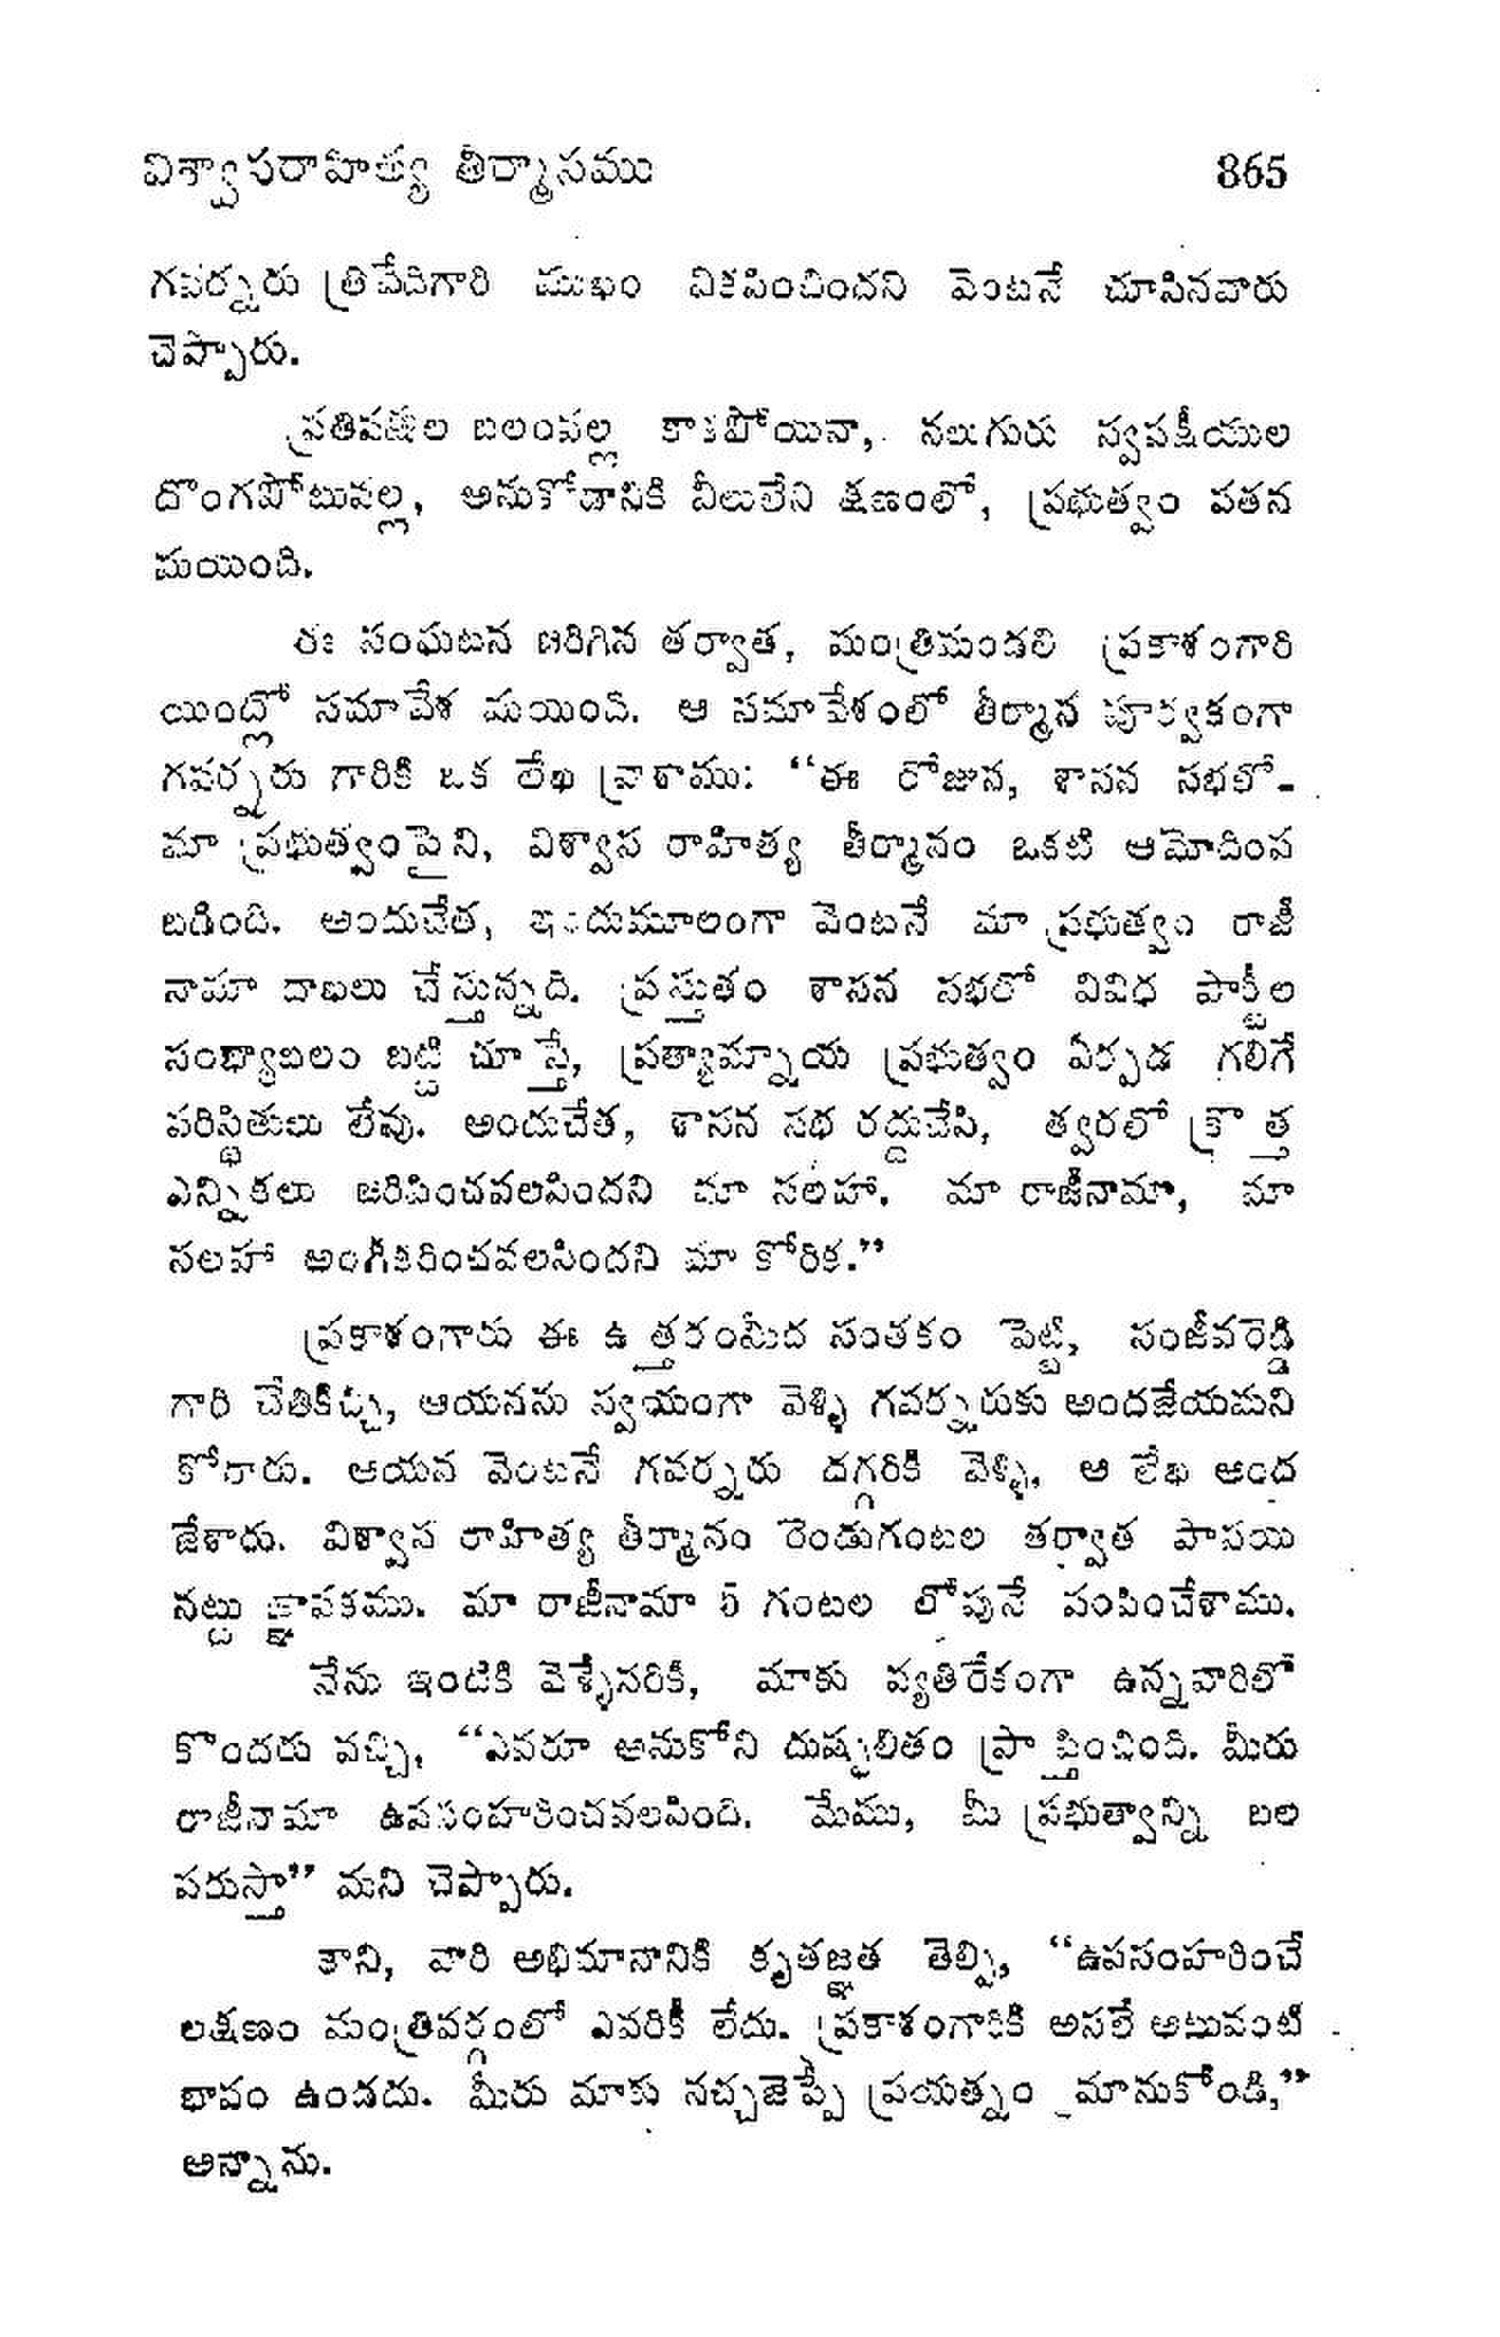గవర్నరు త్రివేదిగారి ముఖం వికసించిందని వెంటనే చూసినవారు చెప్పారు.

ప్రతిపక్షుల బలంవల్ల కాకపోయినా, నలుగురు స్వపక్షీయుల దొంగపోటువల్ల, అనుకోడానికి వీలులేని క్షణంలో, ప్రభుత్వం పతనమయింది.

ఈ సంఘటన జరిగిన తర్వాత, మంత్రిమండలి ప్రకాశంగారి యింట్లో సమావేశ మయింది. ఆ సమావేశంలో తీర్మాన పూర్వకంగా గవర్నరు గారికి ఒక లేఖ వ్రాశాము: "ఈ రోజున, శాసన సభలో - మా ప్రభుత్వంపైని, విశ్వాస రాహిత్య తీర్మానం ఒకటి ఆమోదింపబడింది. అందుచేత, ఇందుమూలంగా వెంటనే మా ప్రభుత్వం రాజీనామా దాఖలు చేస్తున్నది. ప్రస్తుతం శాసన సభలో వివిధ పార్టీల సంఖ్యాబలం బట్టి చూస్తే, ప్రత్యామ్నాయ ప్రభుత్వం ఏర్పడ గలిగే పరిస్థితులు లేవు. అందుచేత, శాసన సభ రద్దుచేసి, త్వరలో క్రొత్త ఎన్నికలు జరిపించవలసిందని మా సలహా. మా రాజీనామా, మా సలహా అంగీకరించవలసిందని మా కోరిక."

ప్రకాశంగారు ఈ ఉత్తరంమీద సంతకం పెట్టి, సంజీవరెడ్డిగారి చేతికిచ్చి, ఆయనను స్వయంగా వెళ్ళి గవర్నరుకు అందజేయమని కోరారు. ఆయన వెంటనే గవర్నరు దగ్గరికి వెళ్ళి, ఆ లేఖ అందజేశారు. విశ్వాస రాహిత్య తీర్మానం రెండుగంటల తర్వాత పాసయినట్టు జ్ఞాపకము. మా రాజీనామా 5 గంటల లోపునే పంపించేశాము.

నేను ఇంటికి వెళ్ళేసరికి, మాకు వ్యతిరేకంగా ఉన్నవారిలో కొందరు వచ్చి, "ఎవరూ అనుకోని దుష్ఫలితం ప్రాప్తించింది. మీరు రాజీనామా ఉపసంహరించవలసింది. మేము, మీ ప్రభుత్వాన్ని బలపరుస్తా"మని చెప్పారు.

కాని, వారి అభిమానానికి కృతజ్ఞత తెల్పి, "ఉపసంహరించే లక్షణం మంత్రివర్గంలో ఎవరికీ లేదు. ప్రకాశంగారికి అసలే అటువంటి భావం ఉండదు. మీరు మాకు నచ్చజెప్పే ప్రయత్నం మానుకోండి," అన్నాను.